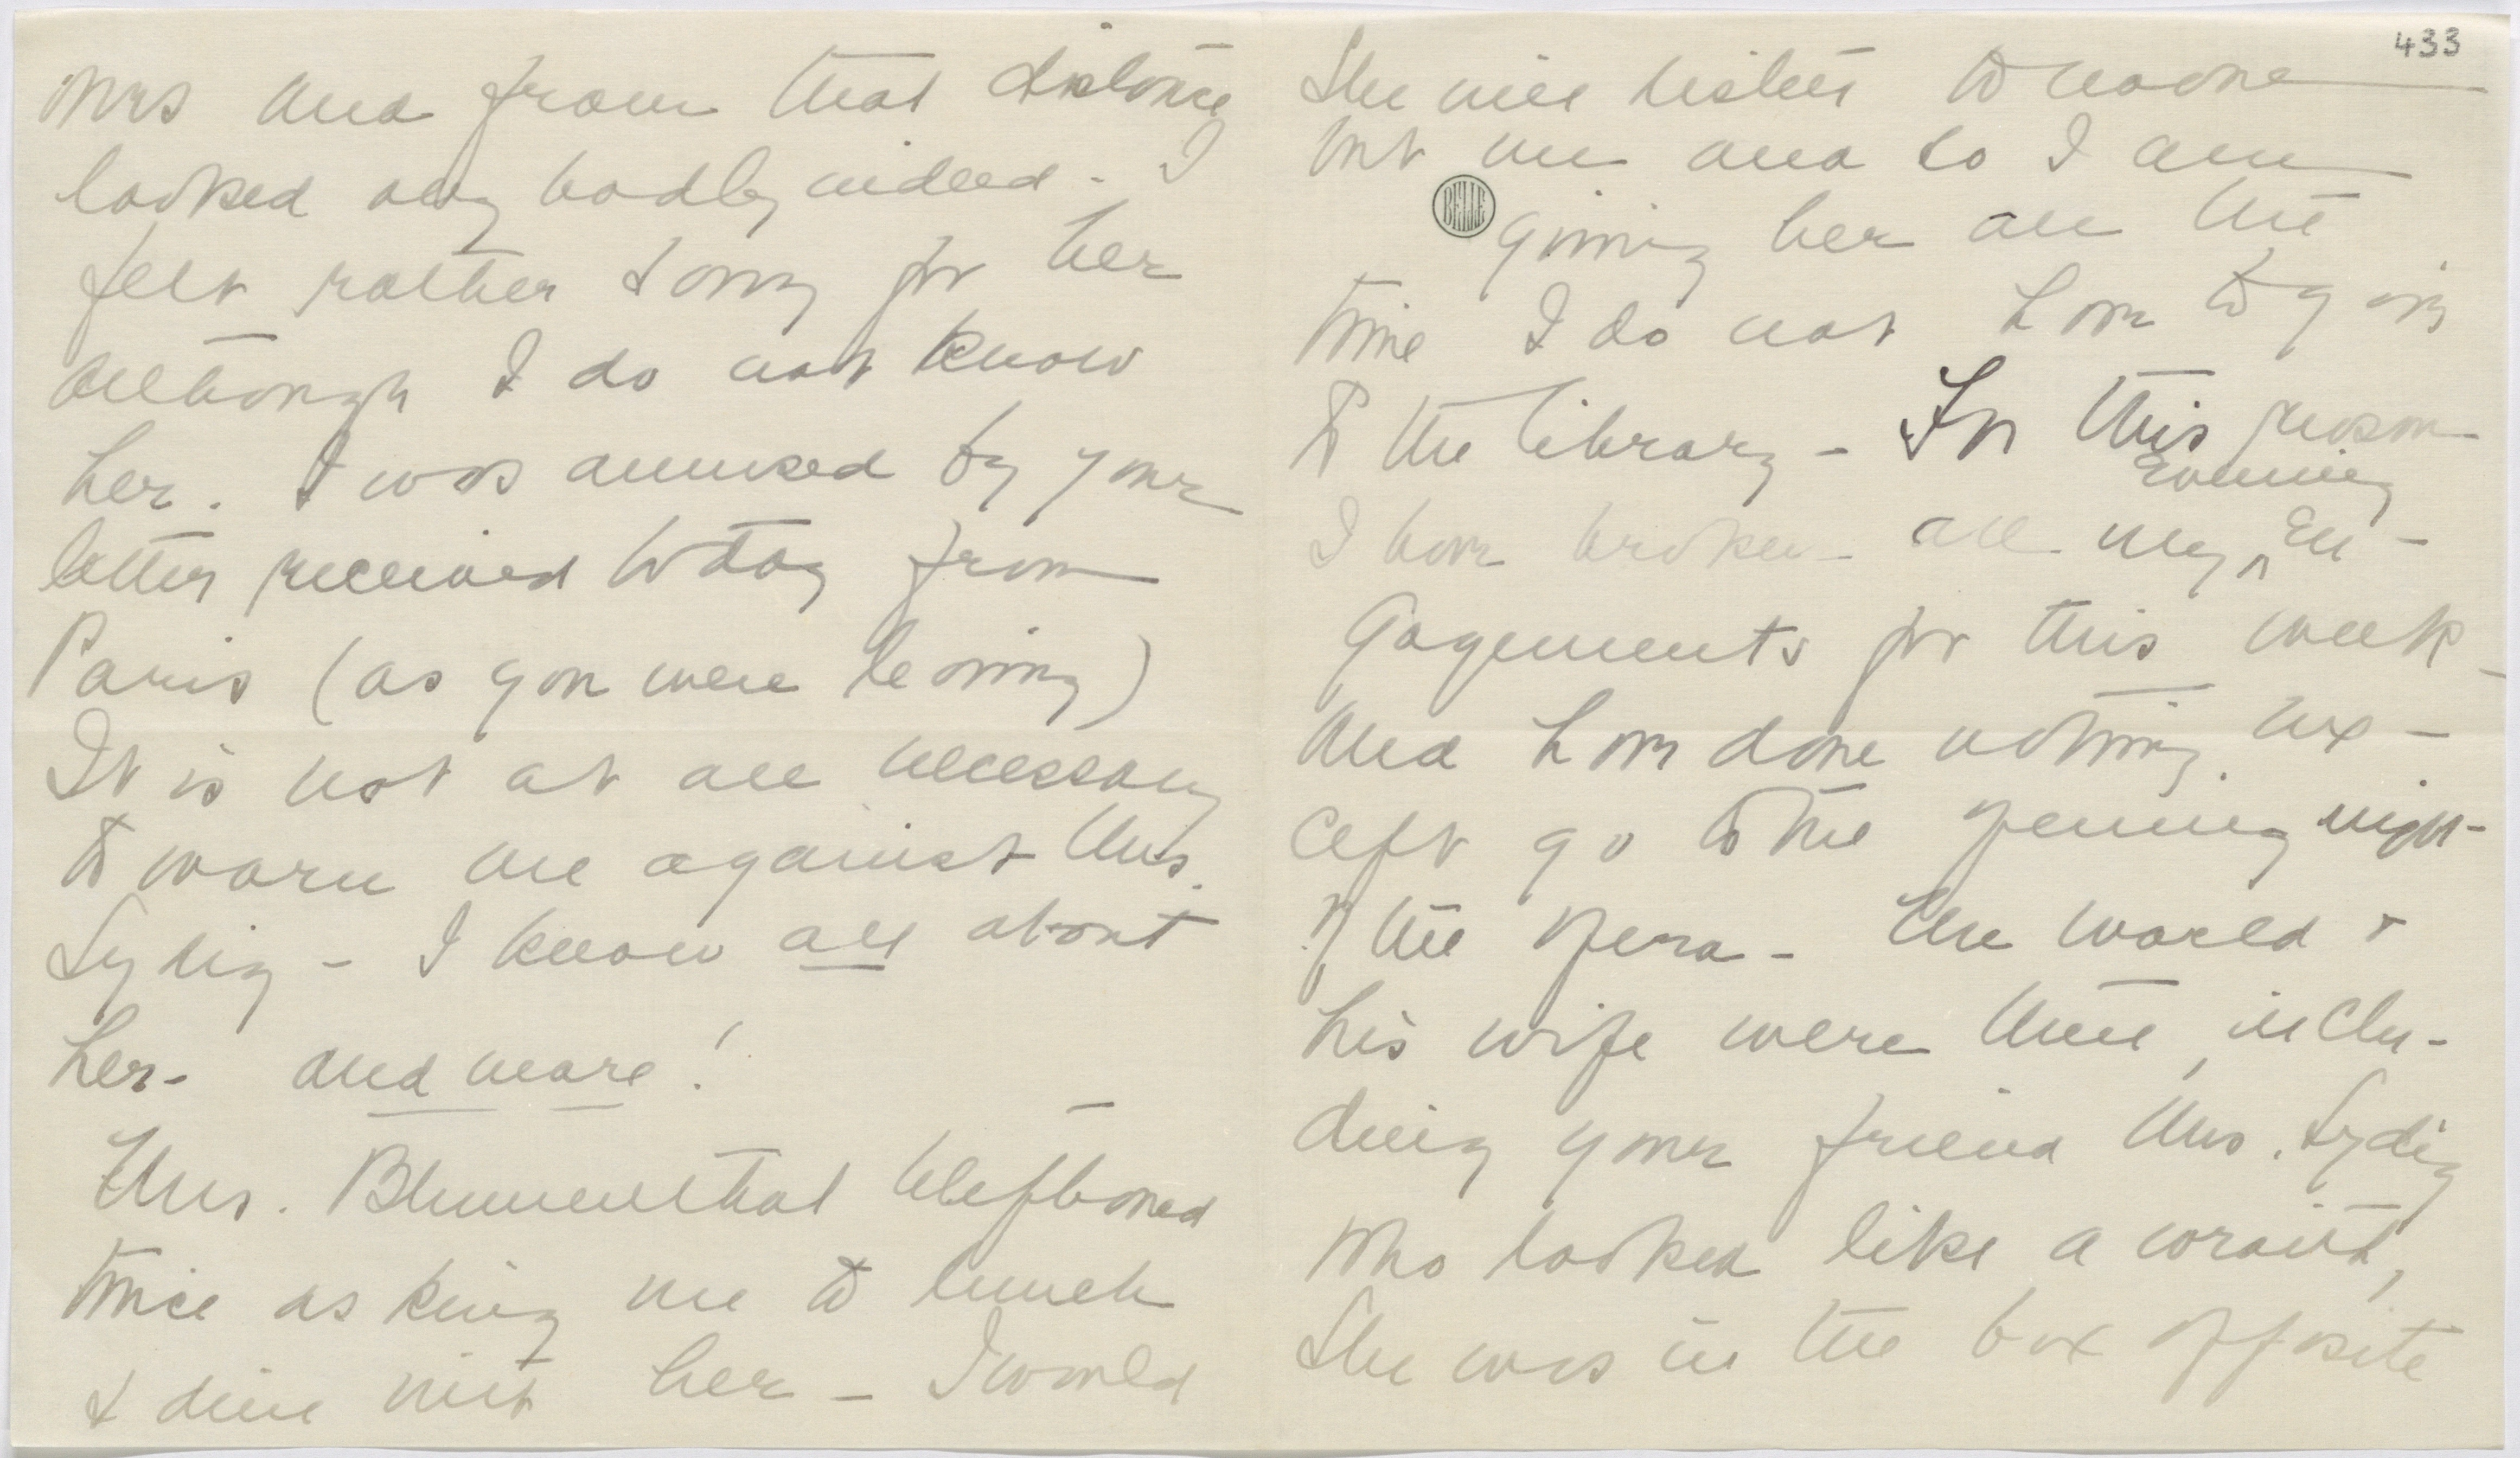she will listen to noone but me and so I am giving her all the time I do not have to give to the library – For this reason I have broken all my [^evening^] engagements for this week – and have done nothing except go to the opening night of the opera – The world & his wife were there, including your friend Mrs. Lydig who looked like a wraith, She was in the box opposite
ours and from that distance looked very badly indeed. I felt rather sorry for her although I do not know her. I was amused by your letter received today from Paris (as you were leaving) It is not at all necessary to warn me against Mrs. Lydig – I know all about her – and more!
Mrs. Blumenthal telephoned twice asking me to lunch & dine with her – I would